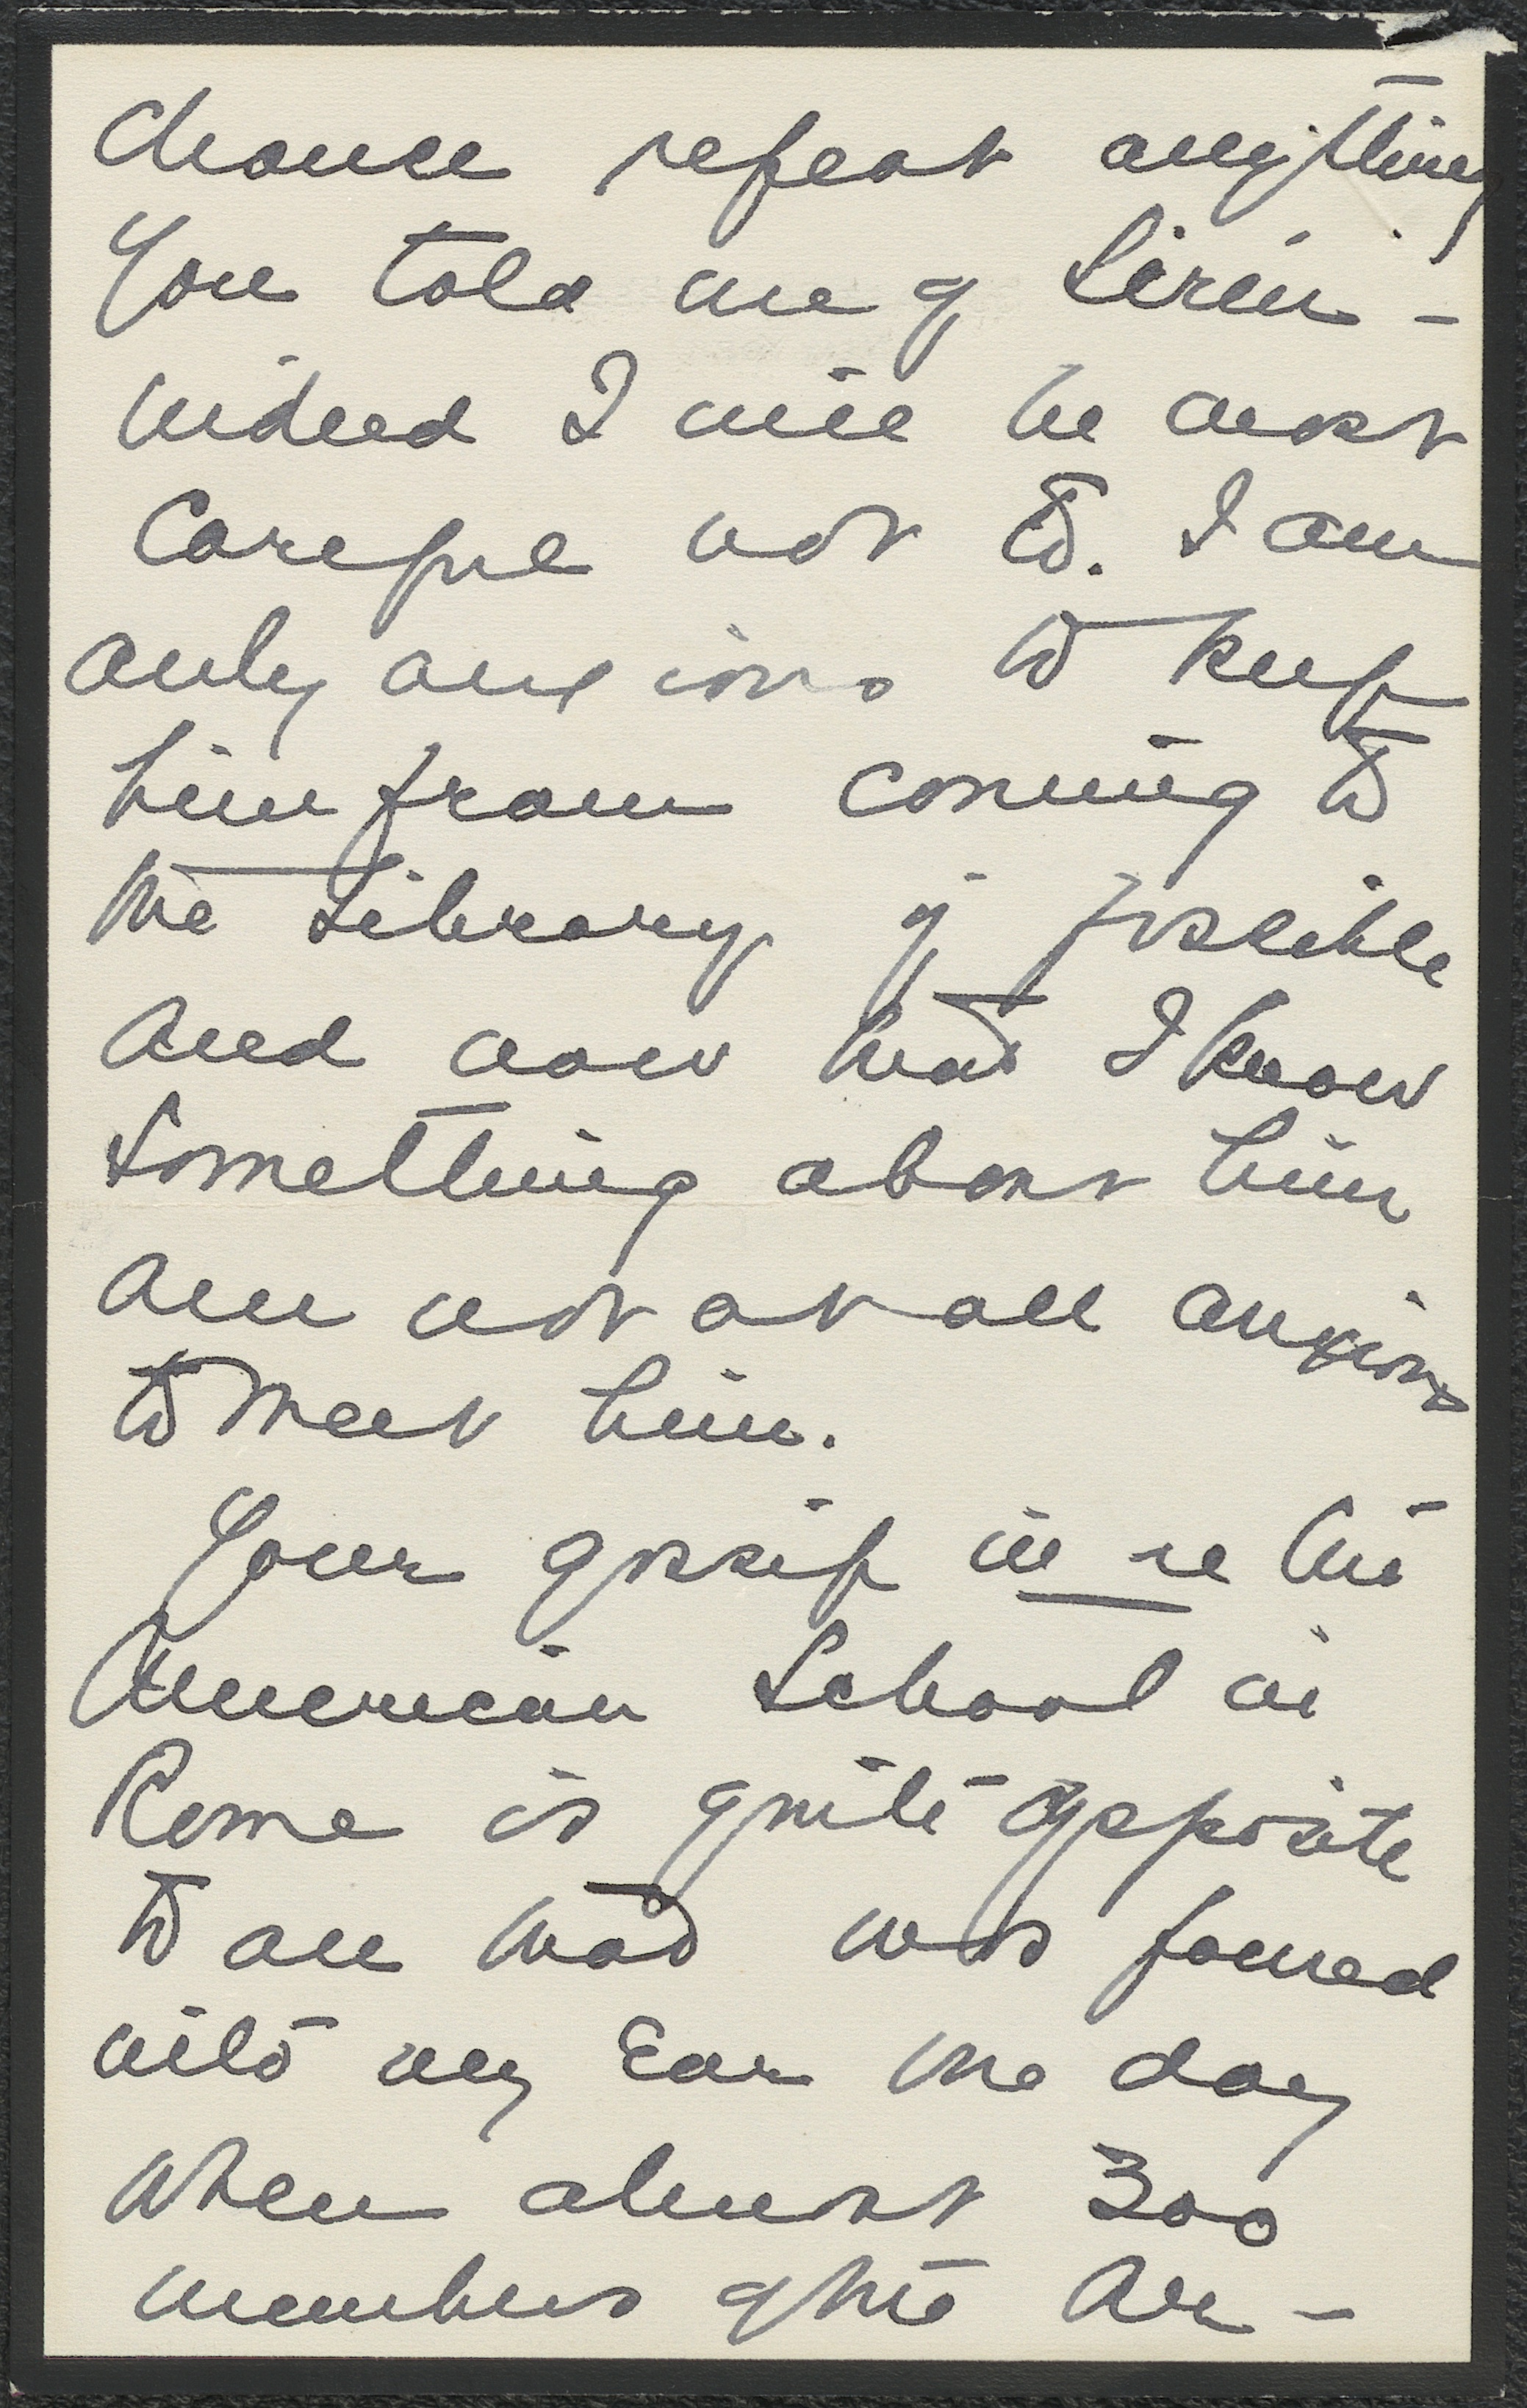repeat anything you told me of Sirén – indeed I will be most careful not to. I am only anxious to keep him from coming to the Library if possible and now that I know something about him am not at all anxious to meet him.
Your gossip in re the American School in Rome is quite opposite to all that was poured into my ear one day when almost 300 member of the